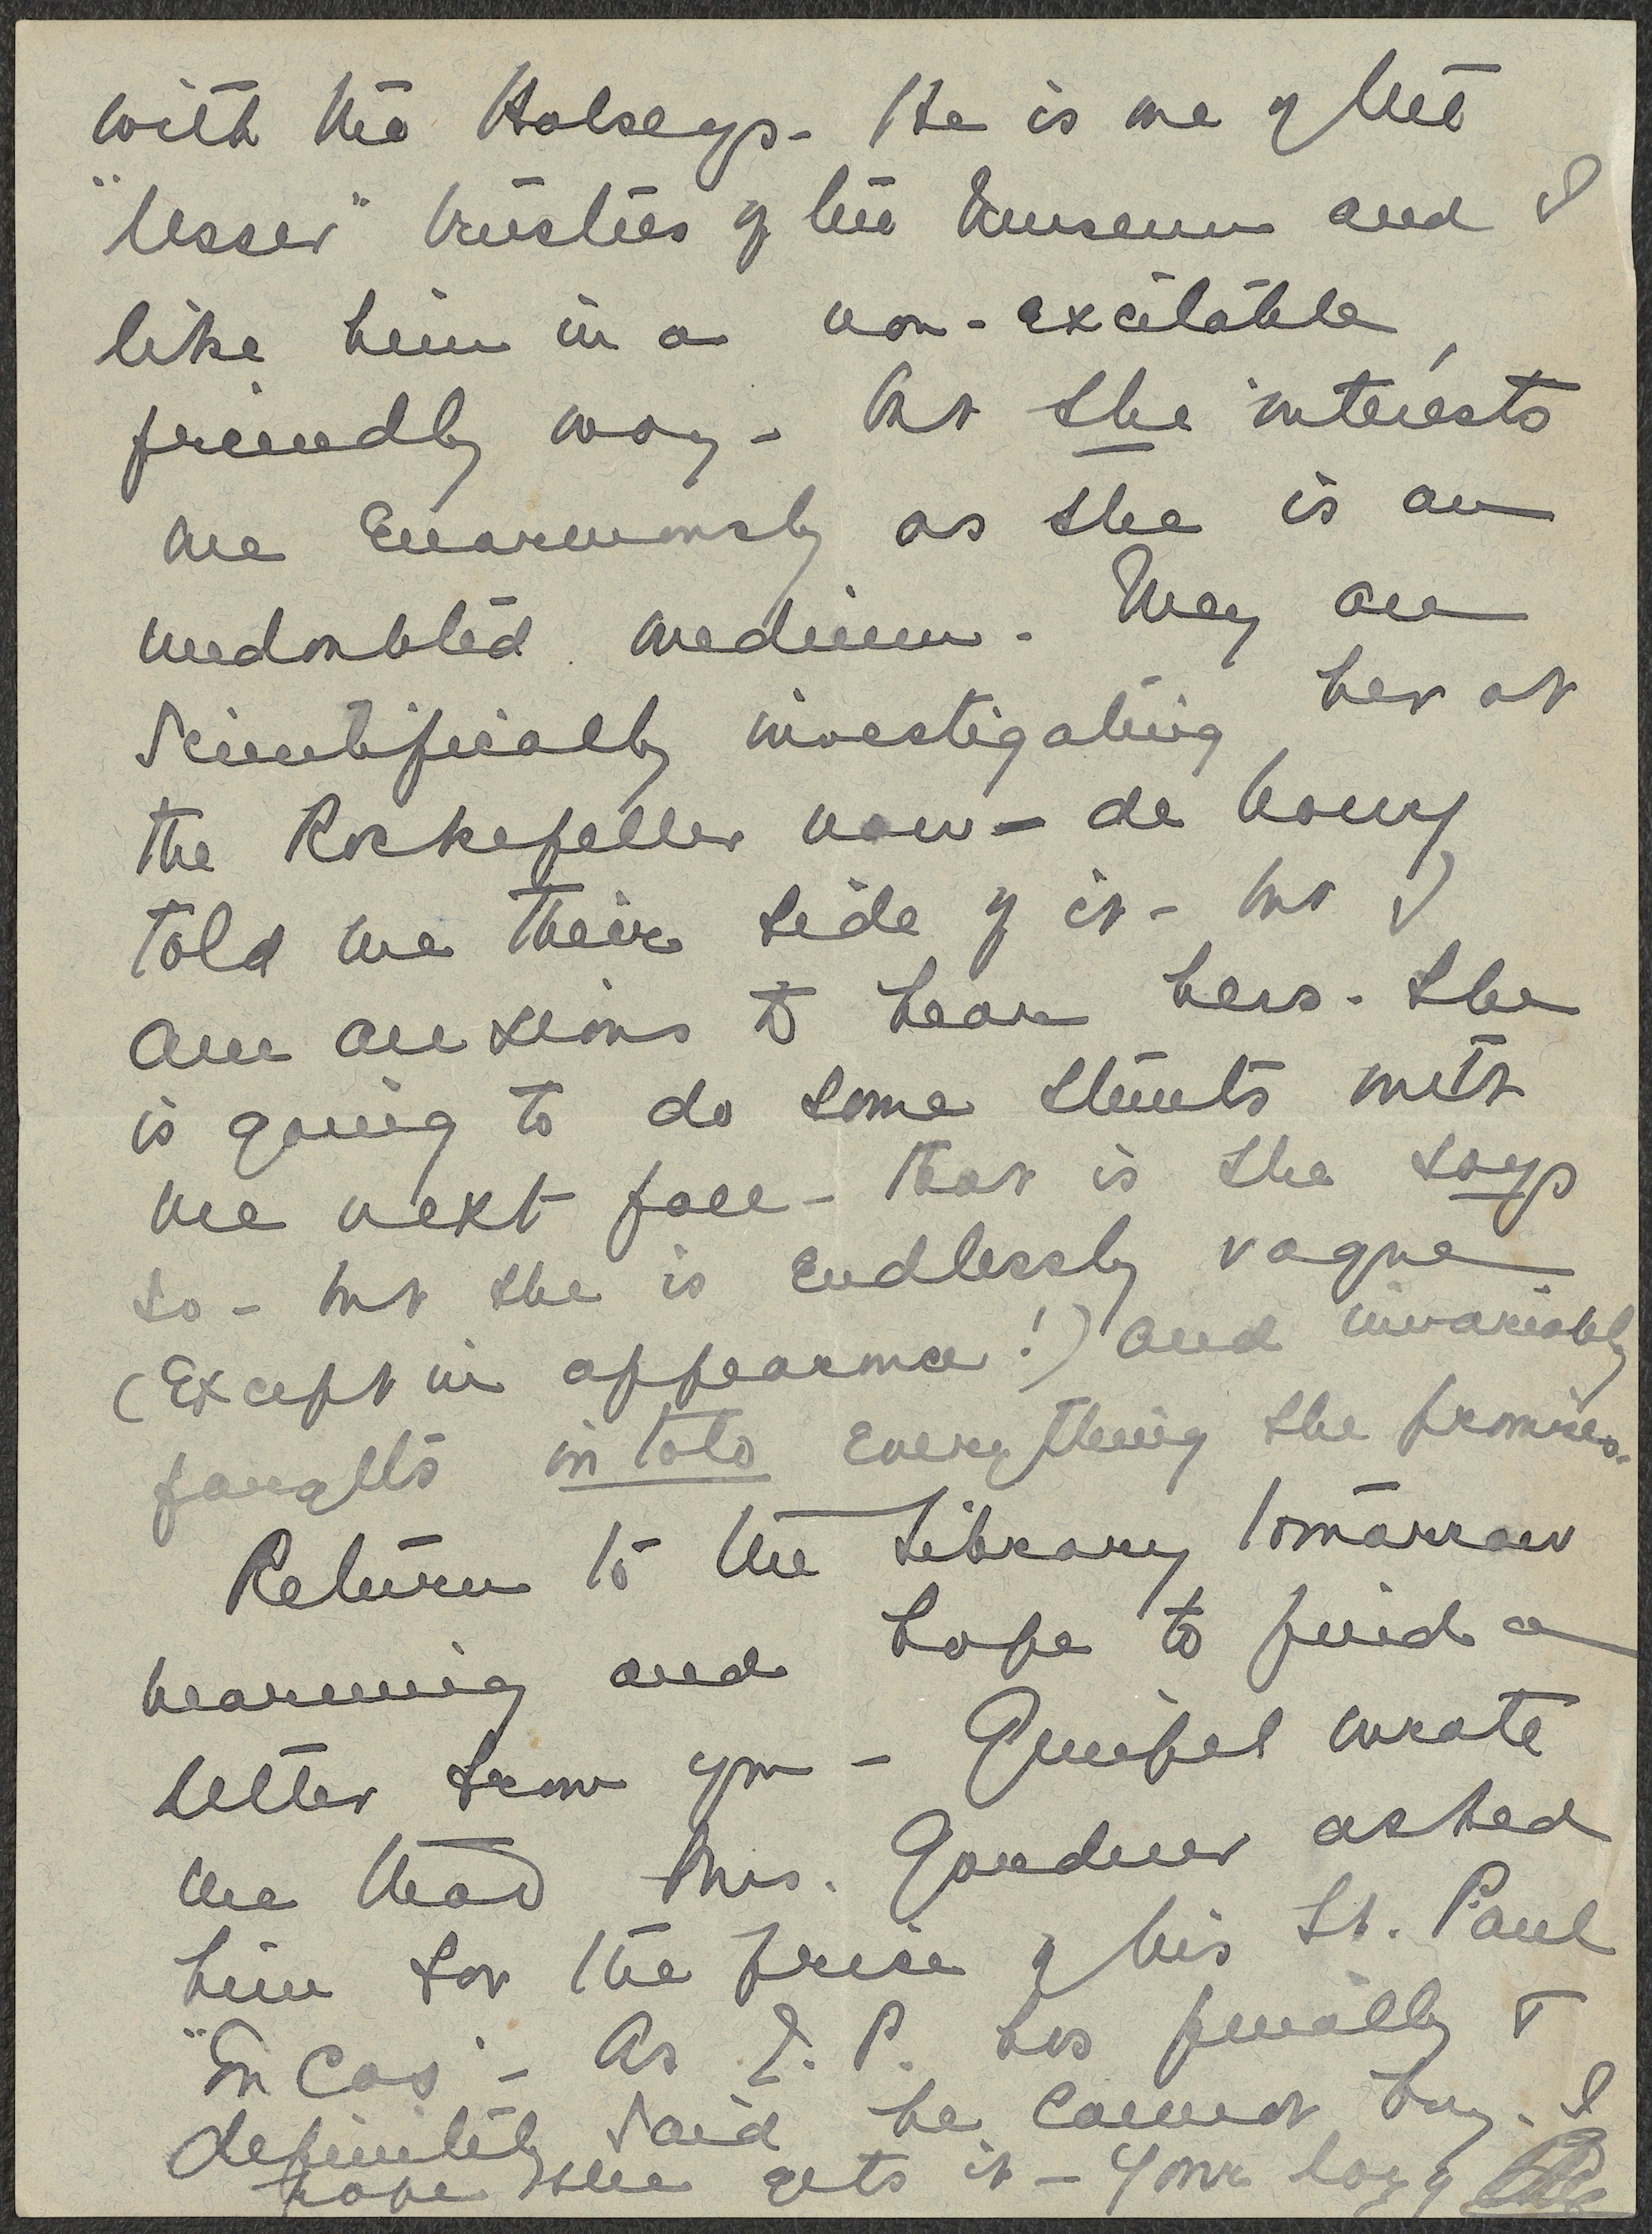with the Halseys – He is one of the “lesser” trustees of the museum and I like him in a non-excitable, friendly way – but she interests me enormously as she is an undoubted medium – They are scientifically investigating her at the Rockefeller now – de Novy told me their side of it – but I am anxious to hear hers – she is going to do some stunts with me next face – that is she says so – but she is endlessly vague (except in appearance!) and invariably forgets in toto everything she promises.
Return to the Library tomorrow morning and hope to find a letter from you – Gimpel wrote me that Mrs. Gardner asked him or the price of his St. Paul “En Cas” – as J. P. Has finally & definitely said he cannot buy – I hope she gets it – Your lazy Belle